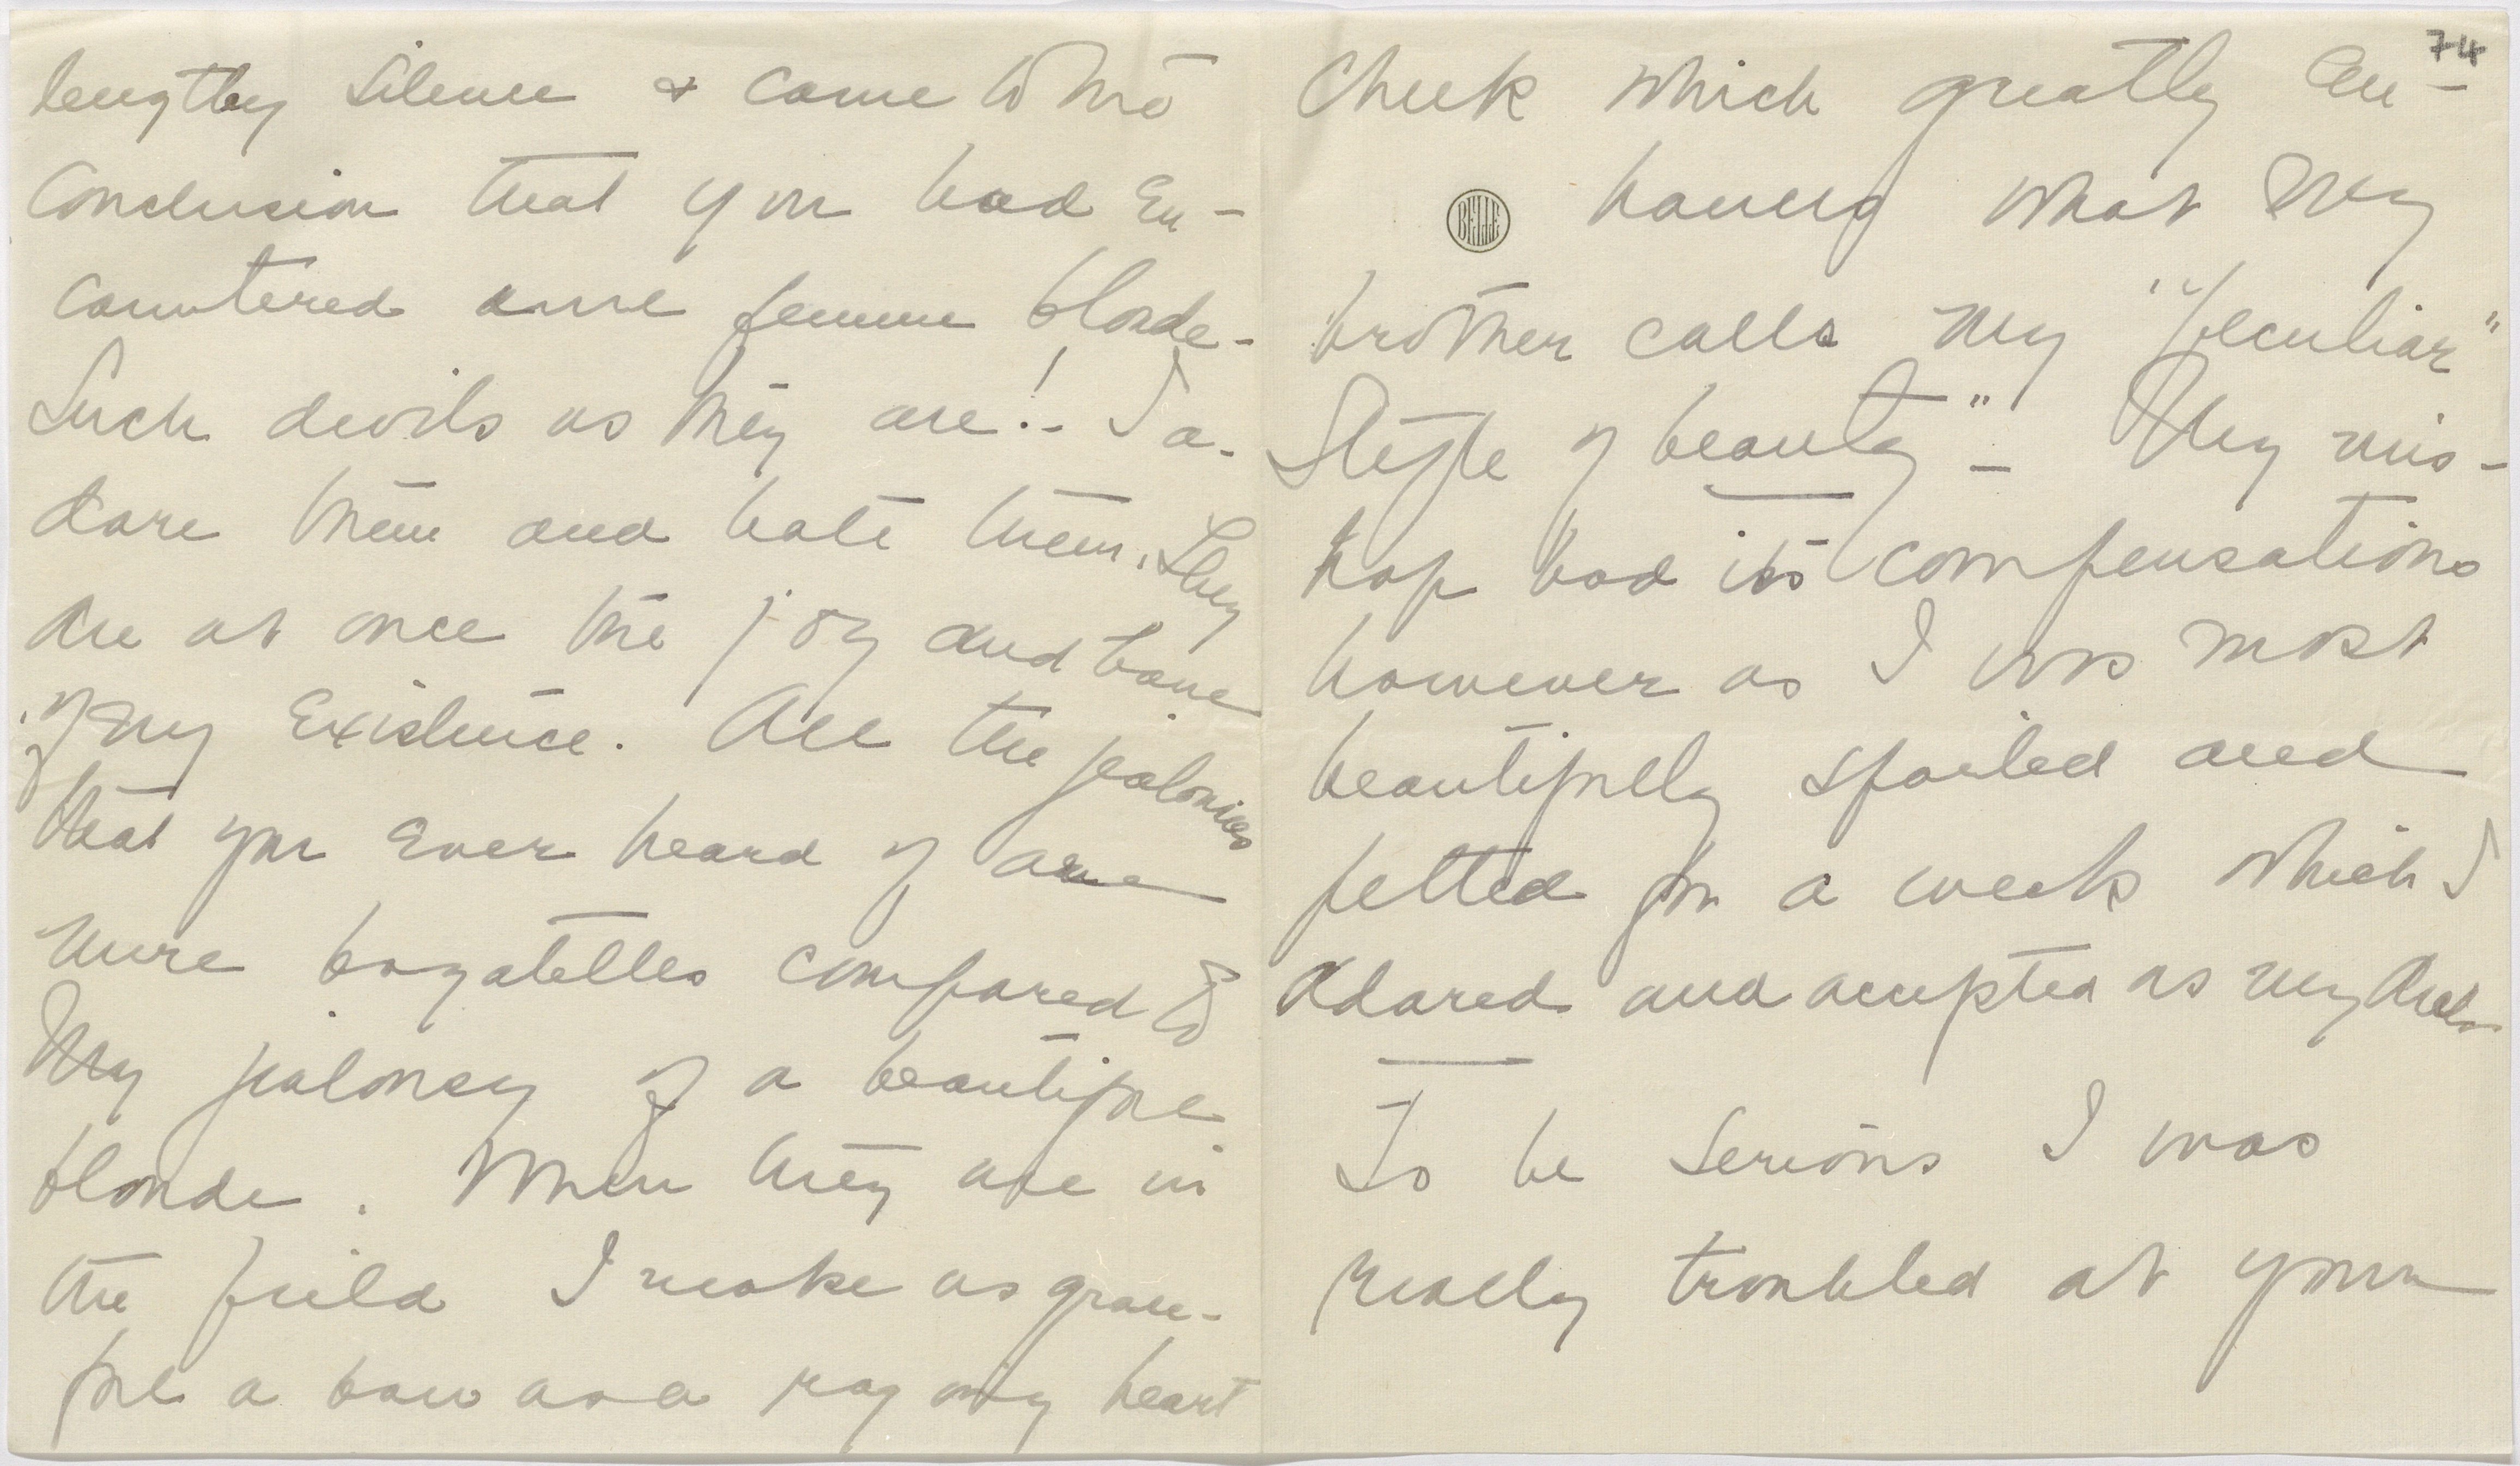cheek which greatly enhances what my brother calls my “peculiar” style of beauty” [sic] – My mishap had its compensations however as I was most beautifully spoiled and petted for a week which I adored and accepted as my [a??t]
To be serious I was really troubled at your
lengthy silence & came to the conclusion that you had encountered une femme blonde – Such devils as they are! – I adore them and hate them. They are at once the joy and bane of my existence. All the jealousies that you ever heard of are mere bagatelles compared to my jealousy of a beautiful blonde. When they are in the field I make as graceful a bow as a raging heart